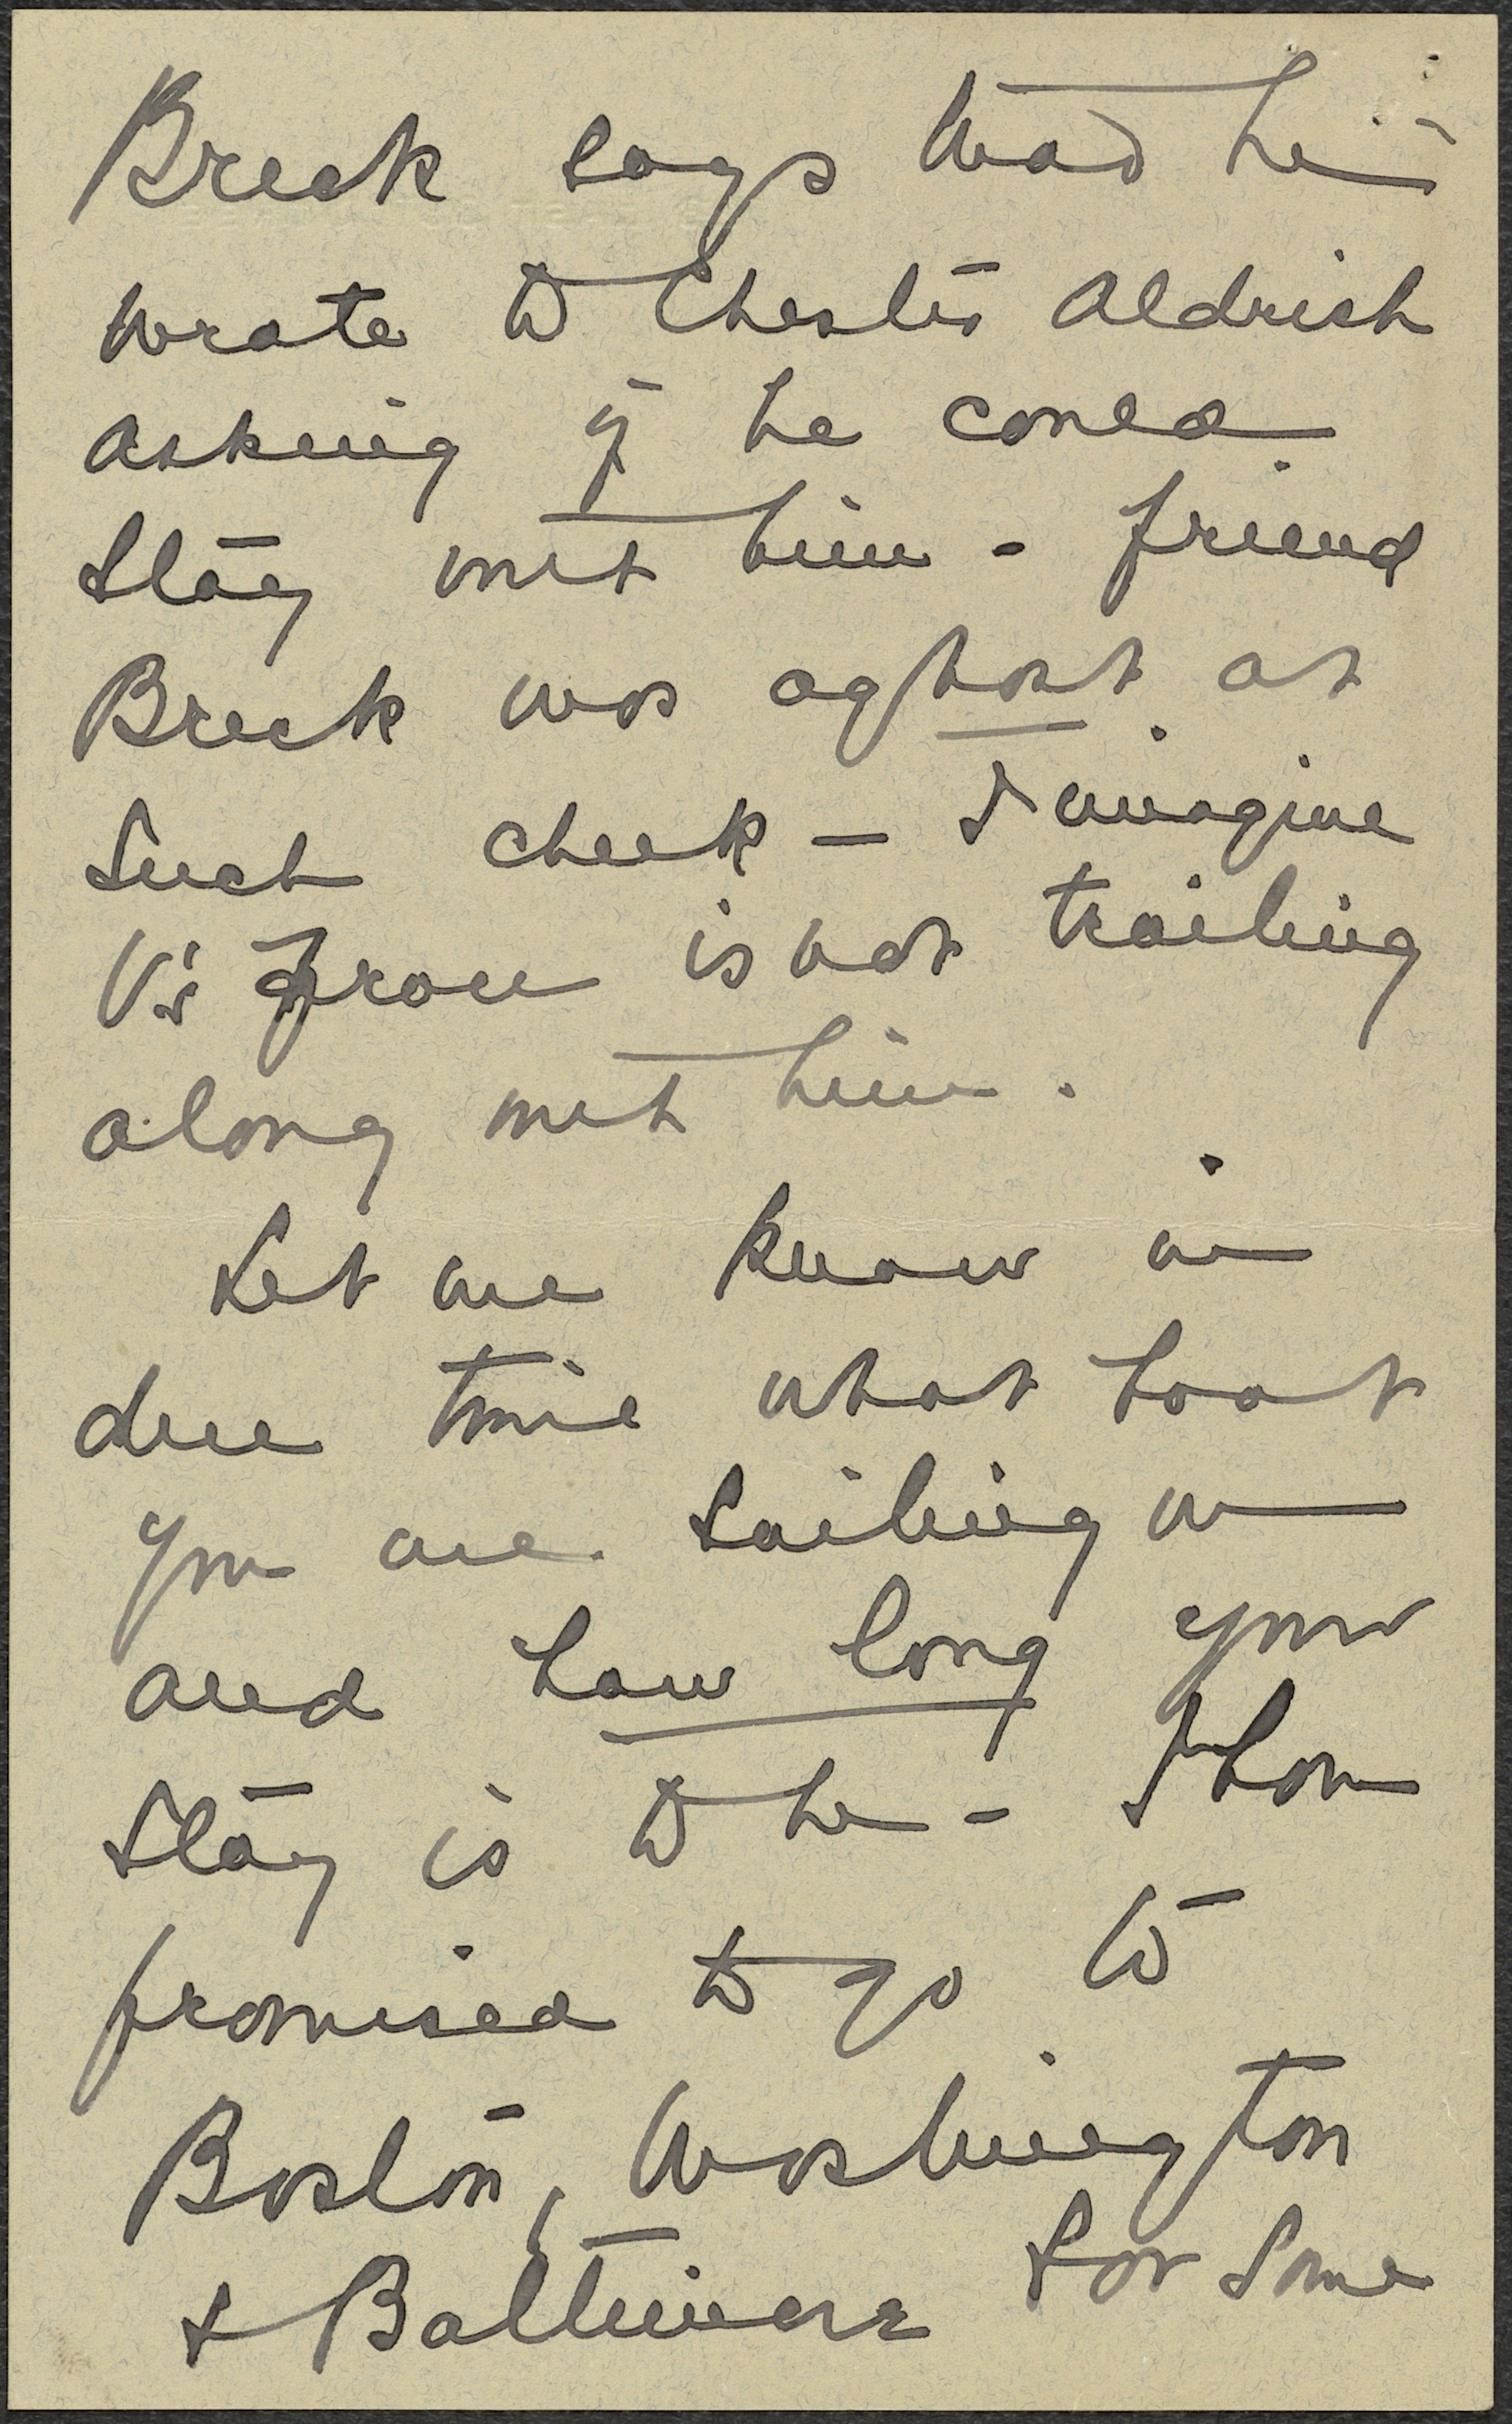Breck says that he wrote to Chester Aldrich asking if he could stay with him – Friend Breck was aghast at such cheek – I imagine V's Frau is not trailing along with him.
Let me know in due time what boat you are sailing on and how long your stay is to be – I have promised to go to Boston, Washington & Baltimore for some